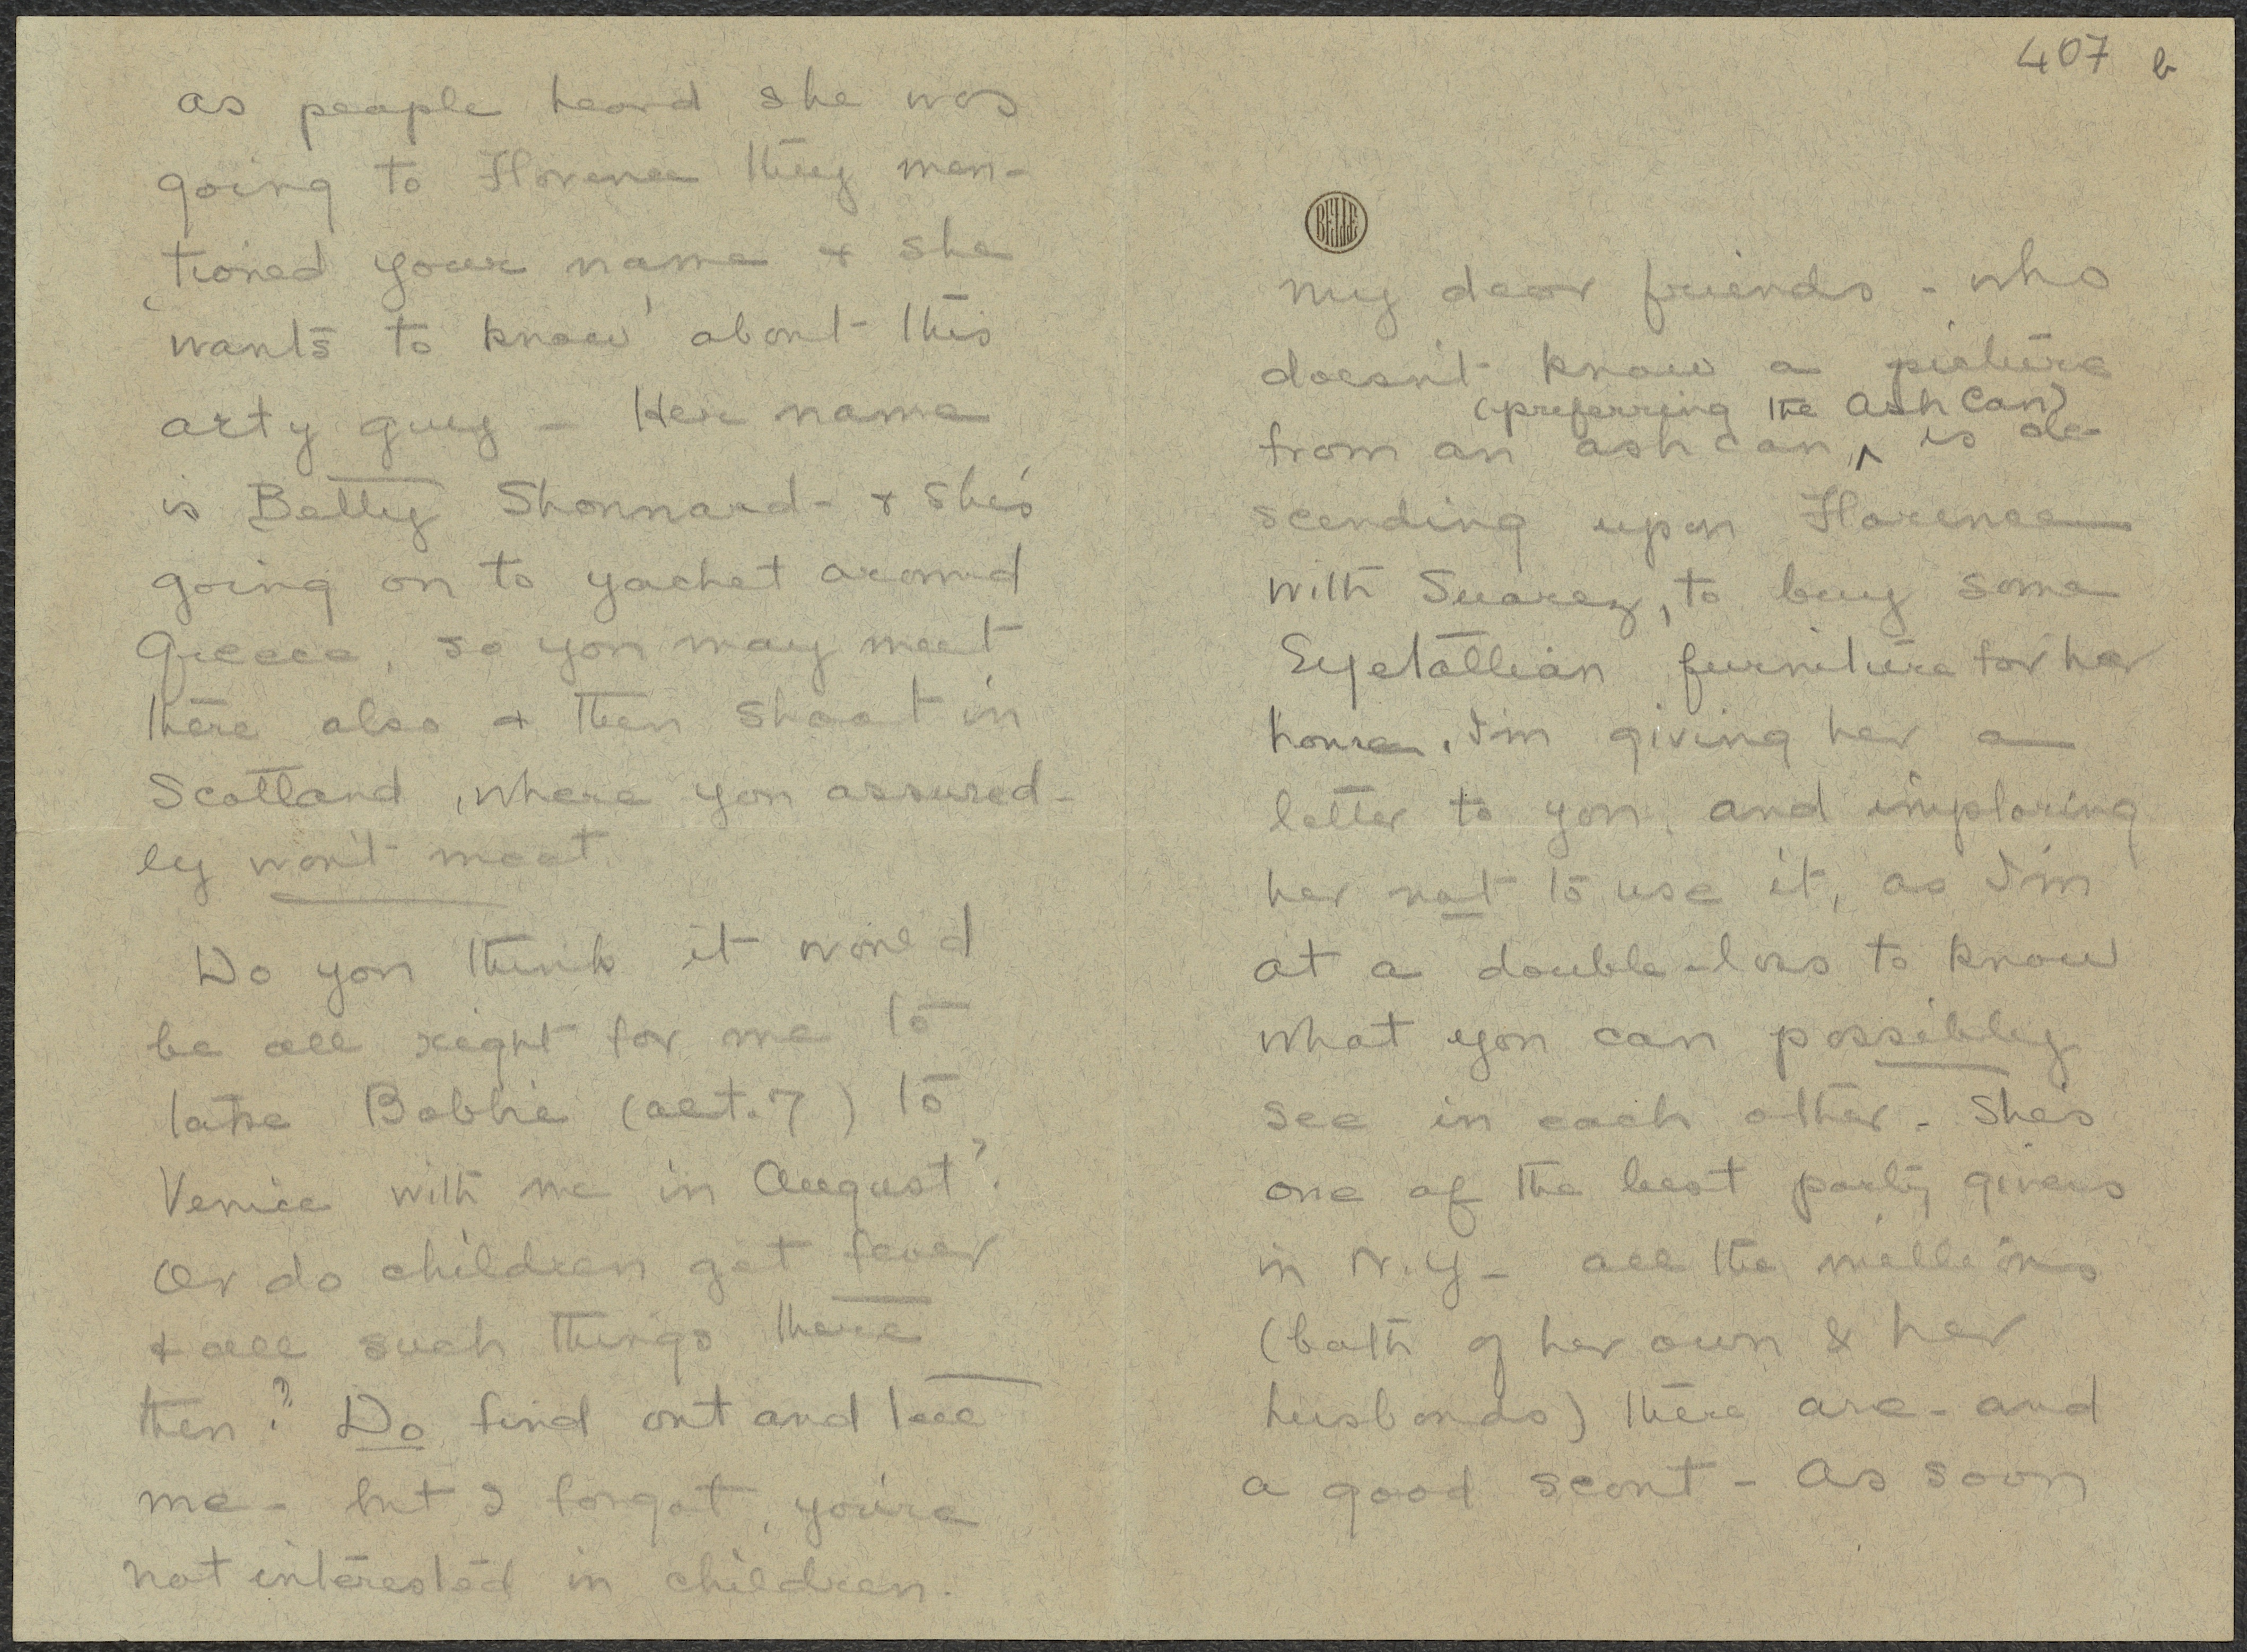my dear friends – who doesn’t know a picture from an ash can [^(preferring the ash can)^] is descending upon Florence with Suarez, to buy some Eyetallian furniture for her house. I’m giving her a letter to you, and imploring her not to use it, as I’m at a double-loss to know what you can possibly see in each other. She’s one of the best party givers in N.Y – all the millions (both of her own & her husbands) there are – and a good scent – As soon
as people heard she was going to Florence they mentioned your name & she ‘wants to know’ about this arty guy – Her name is Betty Shonnard? & she’s going onto yachet [sic] around Greece, so you may meet there also & then shoot in Scotland, where you assuredly won’t meet
Do you think it would be all right for me to take Bobbie (Oct. 7) to Venice with me in August? Or do children get fever & all such things there then? Do find out and tell me – but I forgot, you’re not interested in children.